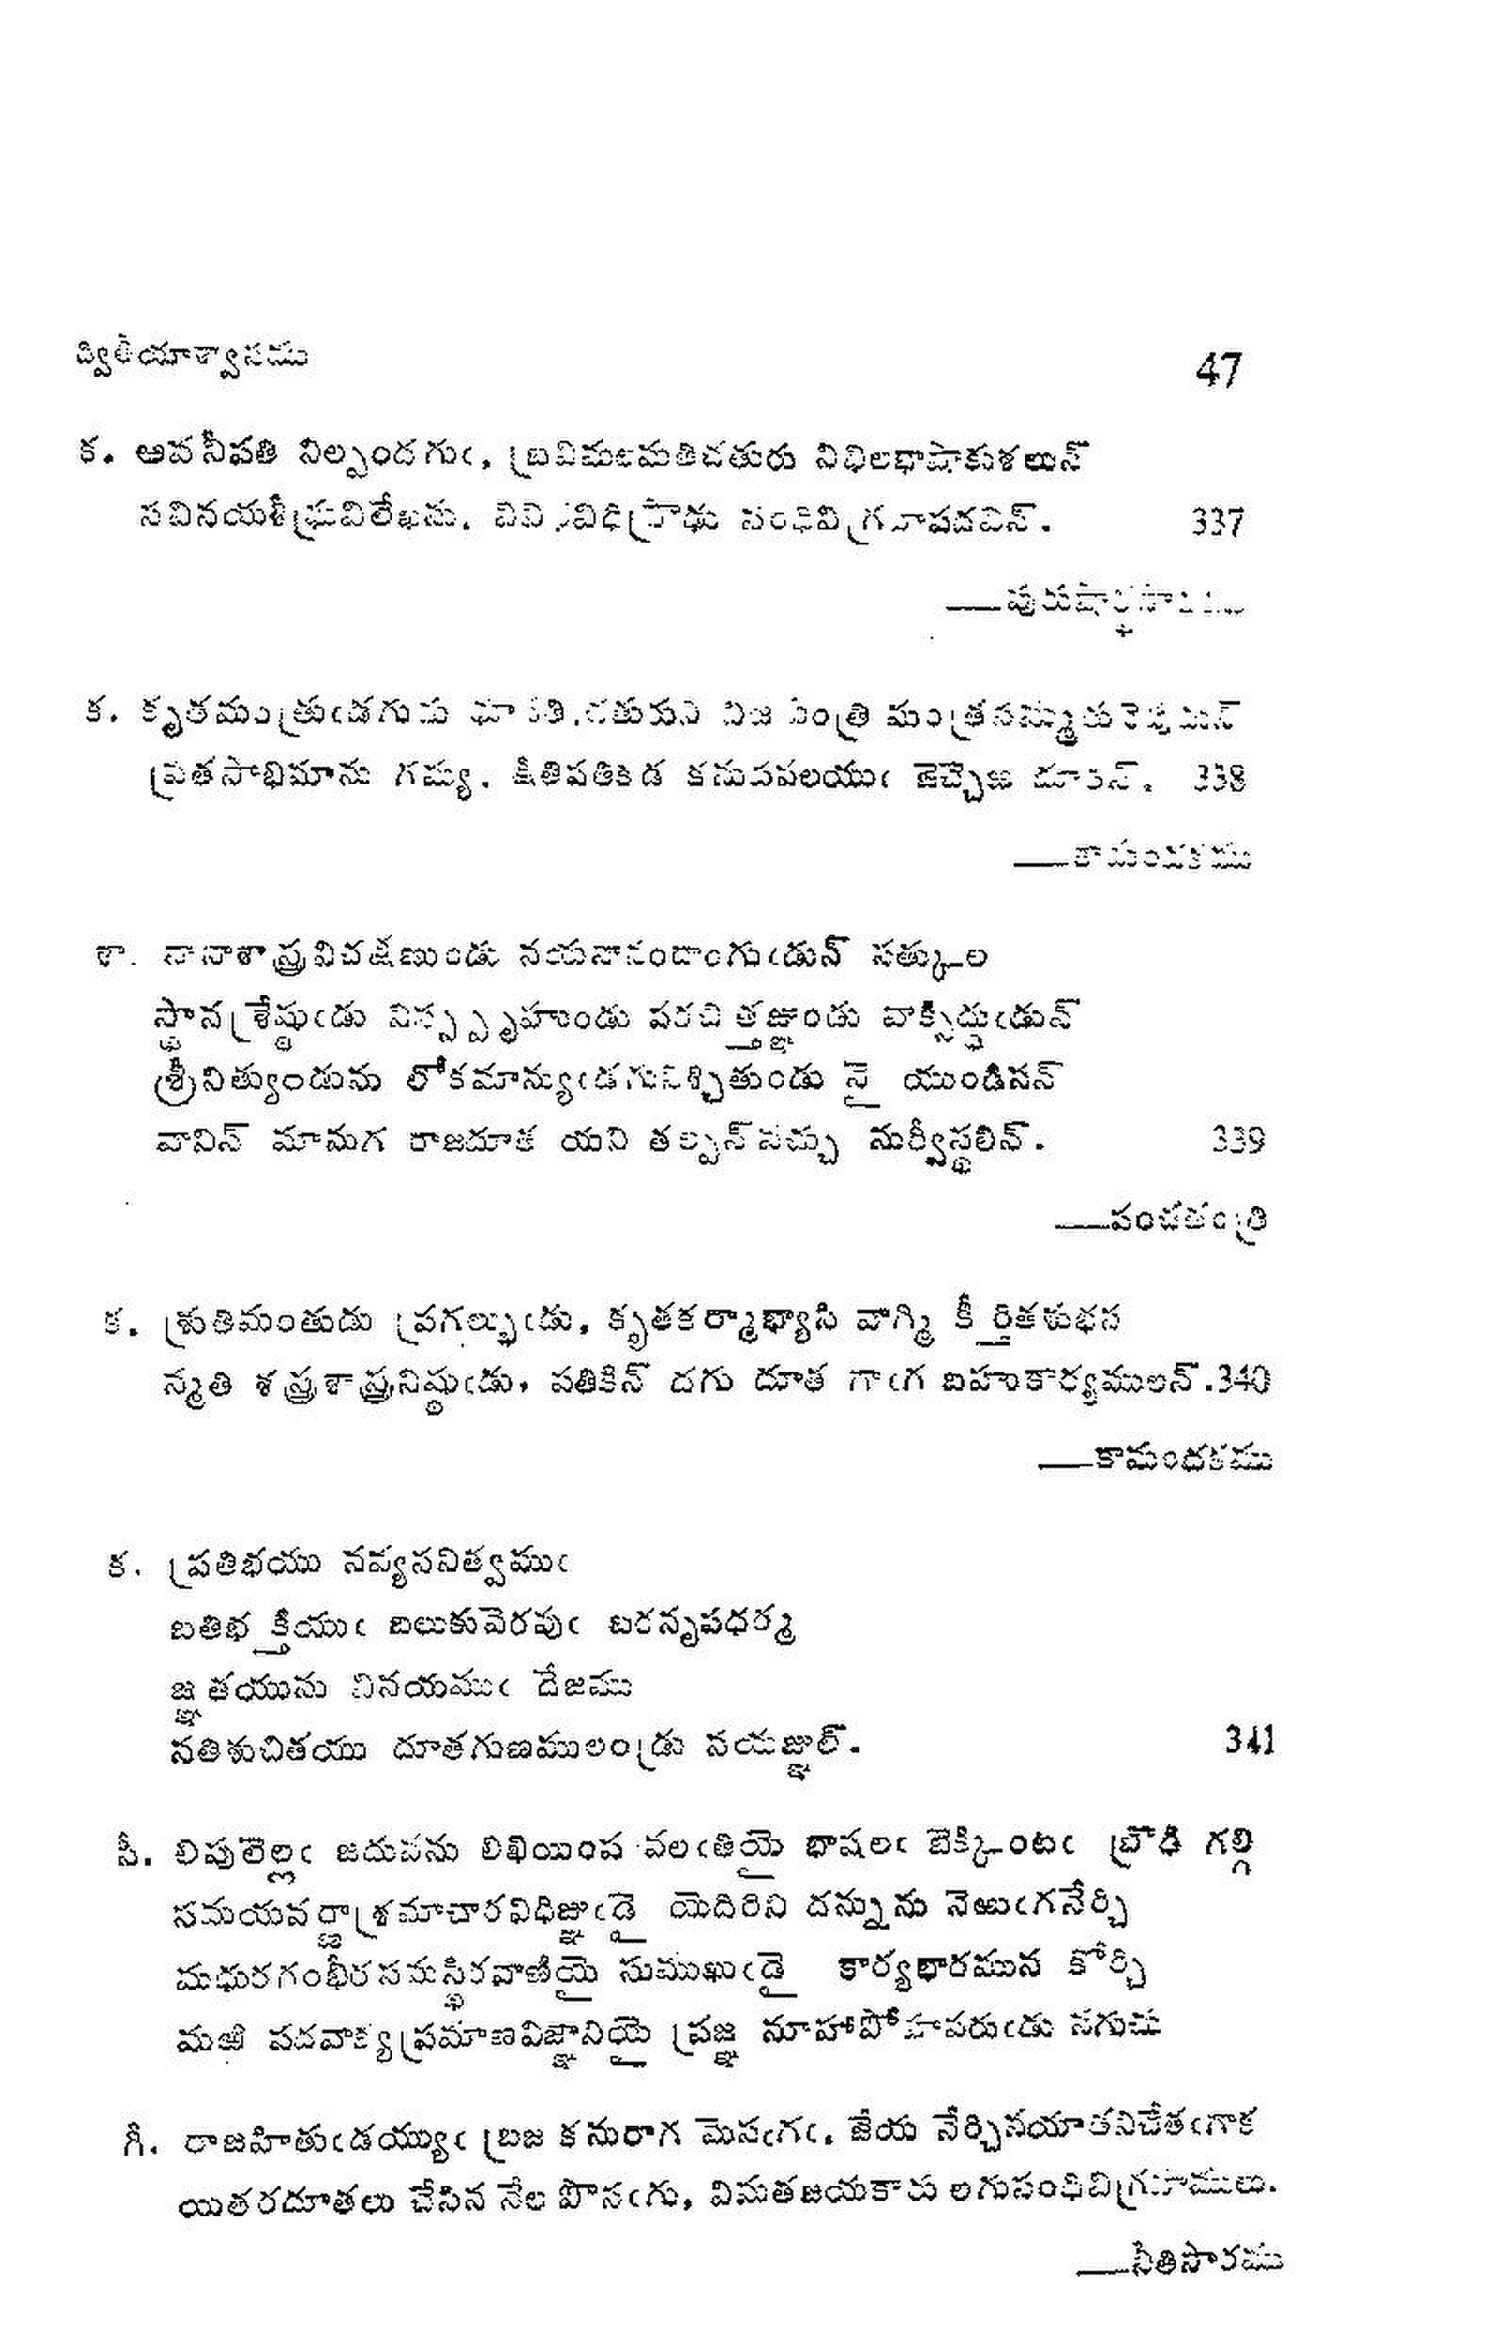క. అవనీపతి నిల్పందగుఁ
బ్రవిమలమతిచతురు నిఖిలభాషాకుశలున్
సవినయశీఘ్రవిలేఖను
వివిధవిధిప్రౌఢు సంధివిగ్రహపదవిన్. 337

క. కృతమంత్రుఁ డగుచు భూపతి
చతురుని నిజమంత్రి మంత్రసమ్మతు నెపుడున్
వ్రతసాభినాను గమ్య
క్షితిపతికడ కనుపవలయుఁ జెచ్చెఱ దూరన్. 338

శా. నానాశాస్త్రవిచక్షణుండు నయనానందాంగుఁడున్ సత్కుల
స్థానశ్రేష్ఠుఁడు నిస్పృహుండు పరచిత్తజ్ఞుండు వాక్సిద్ధుఁడున్
శ్రీనిత్యుండును లోకమాన్యుఁడగు నిశ్చింతుండు నై యుండినన్
వానిన్ మానుగ రాజదూత యని తల్పన్ వచ్చు నుర్వీస్థలిన్. 339

క. శ్రుతిమంతుండు ప్రగల్భుఁడు
కృతకర్మాభ్యాసి వాగ్మి కీర్తితశుభస
న్మతి శస్త్రశాస్త్రనిష్ఠుఁడు
పతికిన్ దగు దూత గాఁగ బహుకార్యములన్. 340

క. ప్రతిభయు నవ్యసనిత్వముఁ
బతిభక్తియుఁ బలుకువెరవుఁ బరనృపధర్మ
జ్ఞతయును వినయముఁ దేజము
నతిశుచితయు దూతగుణము లండ్రు నయజ్ఞుల్. 341

సీ. లిపులెల్లఁ జదువను లిఖియింప వలఁతియై
భాషలఁ బెక్కింటఁ బ్రౌఢి గల్గి
సమయవర్ణాశ్రమాచారవిధిజ్ఞుఁడై
యెదిరిని దన్నును నెఱుఁగనేర్చి
మధురగంభీరసమస్థిరవాణియై
సుముఖుఁడై కార్యభారమున కోర్చి
మఱి పదవాక్యప్రమాణవిజ్ఞానియై
ప్రజ్ఞ నూహాపోహపరుఁడు నగుచు
గీ. రాజహితుఁడయ్యుఁ బ్రజ కనురాగ మెసఁగఁ
జేయ నేర్చిన యాతనిచేతఁ గాక
యితరదూతలు చేసిన నేల పొసఁగు
విమతజయకారు లగు సంధివిగ్రహములు. 342